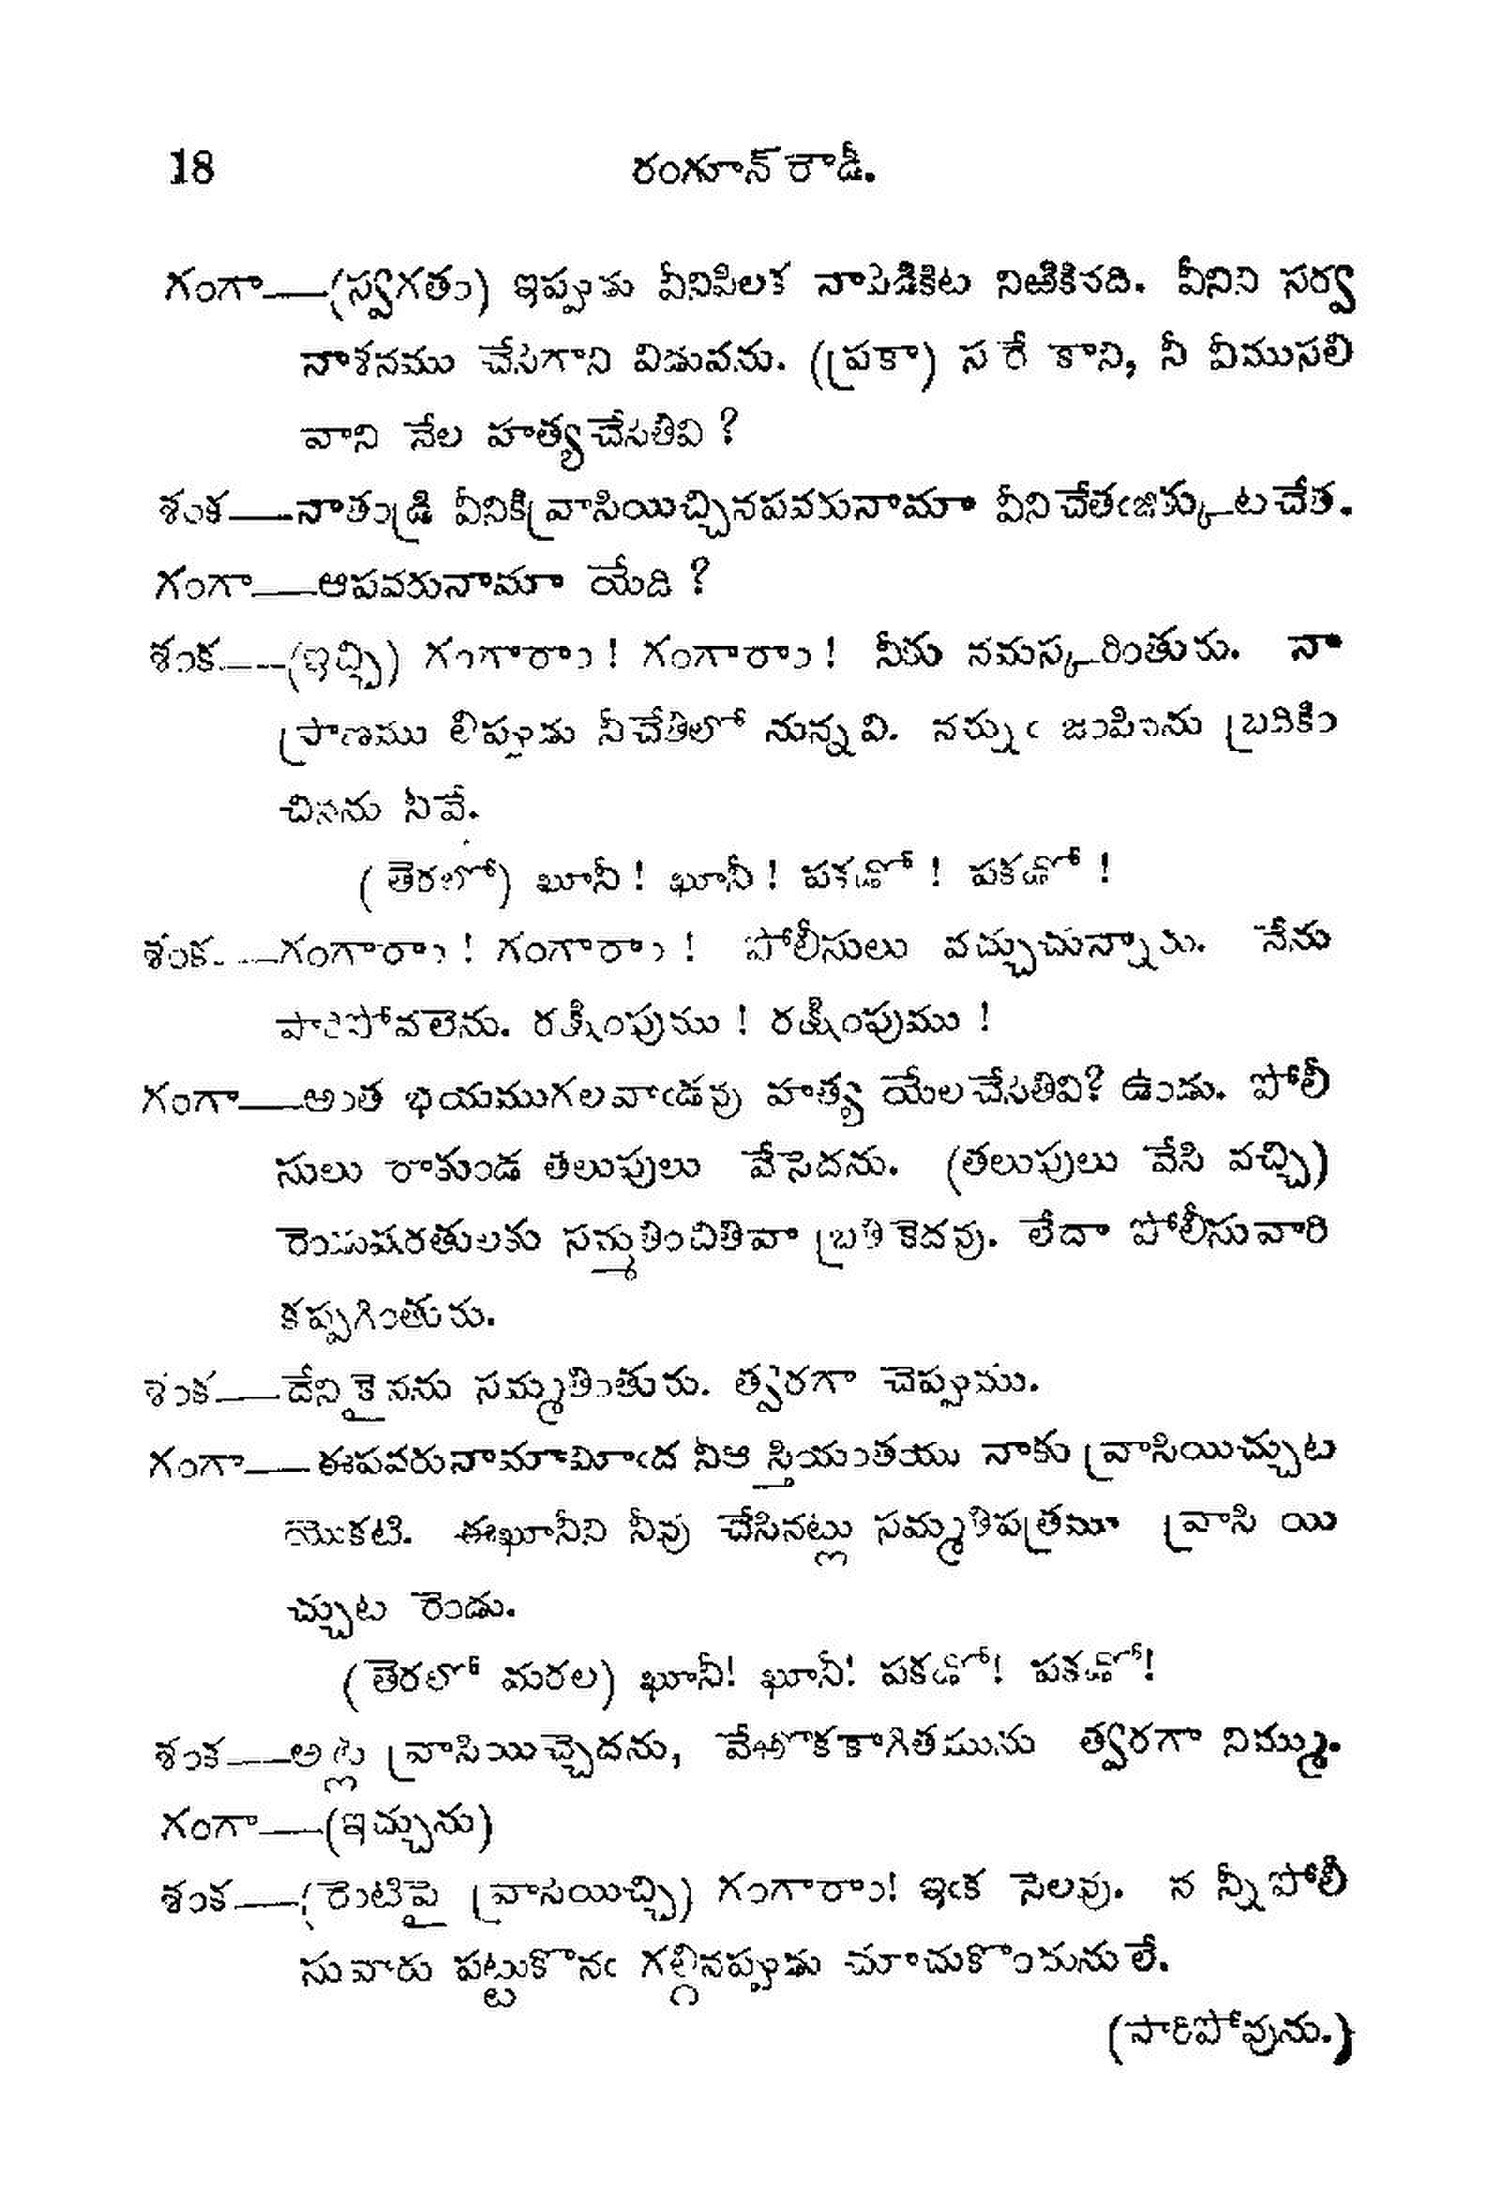గంగా - (స్వగతం) ఇప్పుడు వీనిపిలక నాపిడికిట నిఱికినది. దీనిని సర్వనాశనము చేసిగాని విడువను. ( ప్రకా ) సరే కాని, నీ వీముసలివాని నేల హత్యచేసతివి ?

శంక - నాతండ్రి వీనికివ్రాసియిచ్చినపవరునామా వీనిచేతఁజిక్కుటచేత.

గంగా - ఆపవరునామా యేది?

శంక -- (ఇచ్చి) గంగారాం ! గంగారాం! నీకు నమస్కరింతును. నా ప్రాణము లిప్పుడు నీచేతిలో నున్నవి. నన్నుఁ జంపినను బ్రతికించినను నీవే.

శంక - గంగారాం ? ! గంగారాం ! పోలీసులు వచ్చుచున్నారు. నేను పారిపోవలెను. రక్షింపుము ! రక్షింపుము !

గంగా - అంత భయముగలవాఁడవు హత్యయేలచేసితివి? ఉండు. పోలీసులు రాకుండ తలుపులు వేసెదను. (తలుపులు వేసి వచ్చి) రెండుషరతులకు సమ్మతించితివా బ్రకికెదవు. లేదా పోలీసువారి
కప్పగింతును.

శంక - దేనికైనను సమ్మతింతును. త్సరగా చెప్పుము.

గంగా -- ఈపవరునామామీఁద నీఆస్తియంతయు నాకు వ్రాసియిచ్చుట యొకటి. ఈ ఖూనీని నీవు చేసినట్లు సమ్మతిపత్రము వ్రాసి యిచ్చుట రెండు.

శంక - అట్లే వ్రాసియిచ్చెదను, వేఱొకకాగితమును త్వరగా నిమ్ము.

గంగా - (ఇచ్చును)

శంక - (రెంటిపై వ్రాసయిచ్చి) గంగారాం ! ఇఁక సెలవు. నన్నీ పోలిసువారు పట్టుకొనఁ గల్గినప్పుడు చూచుకొందునులే.